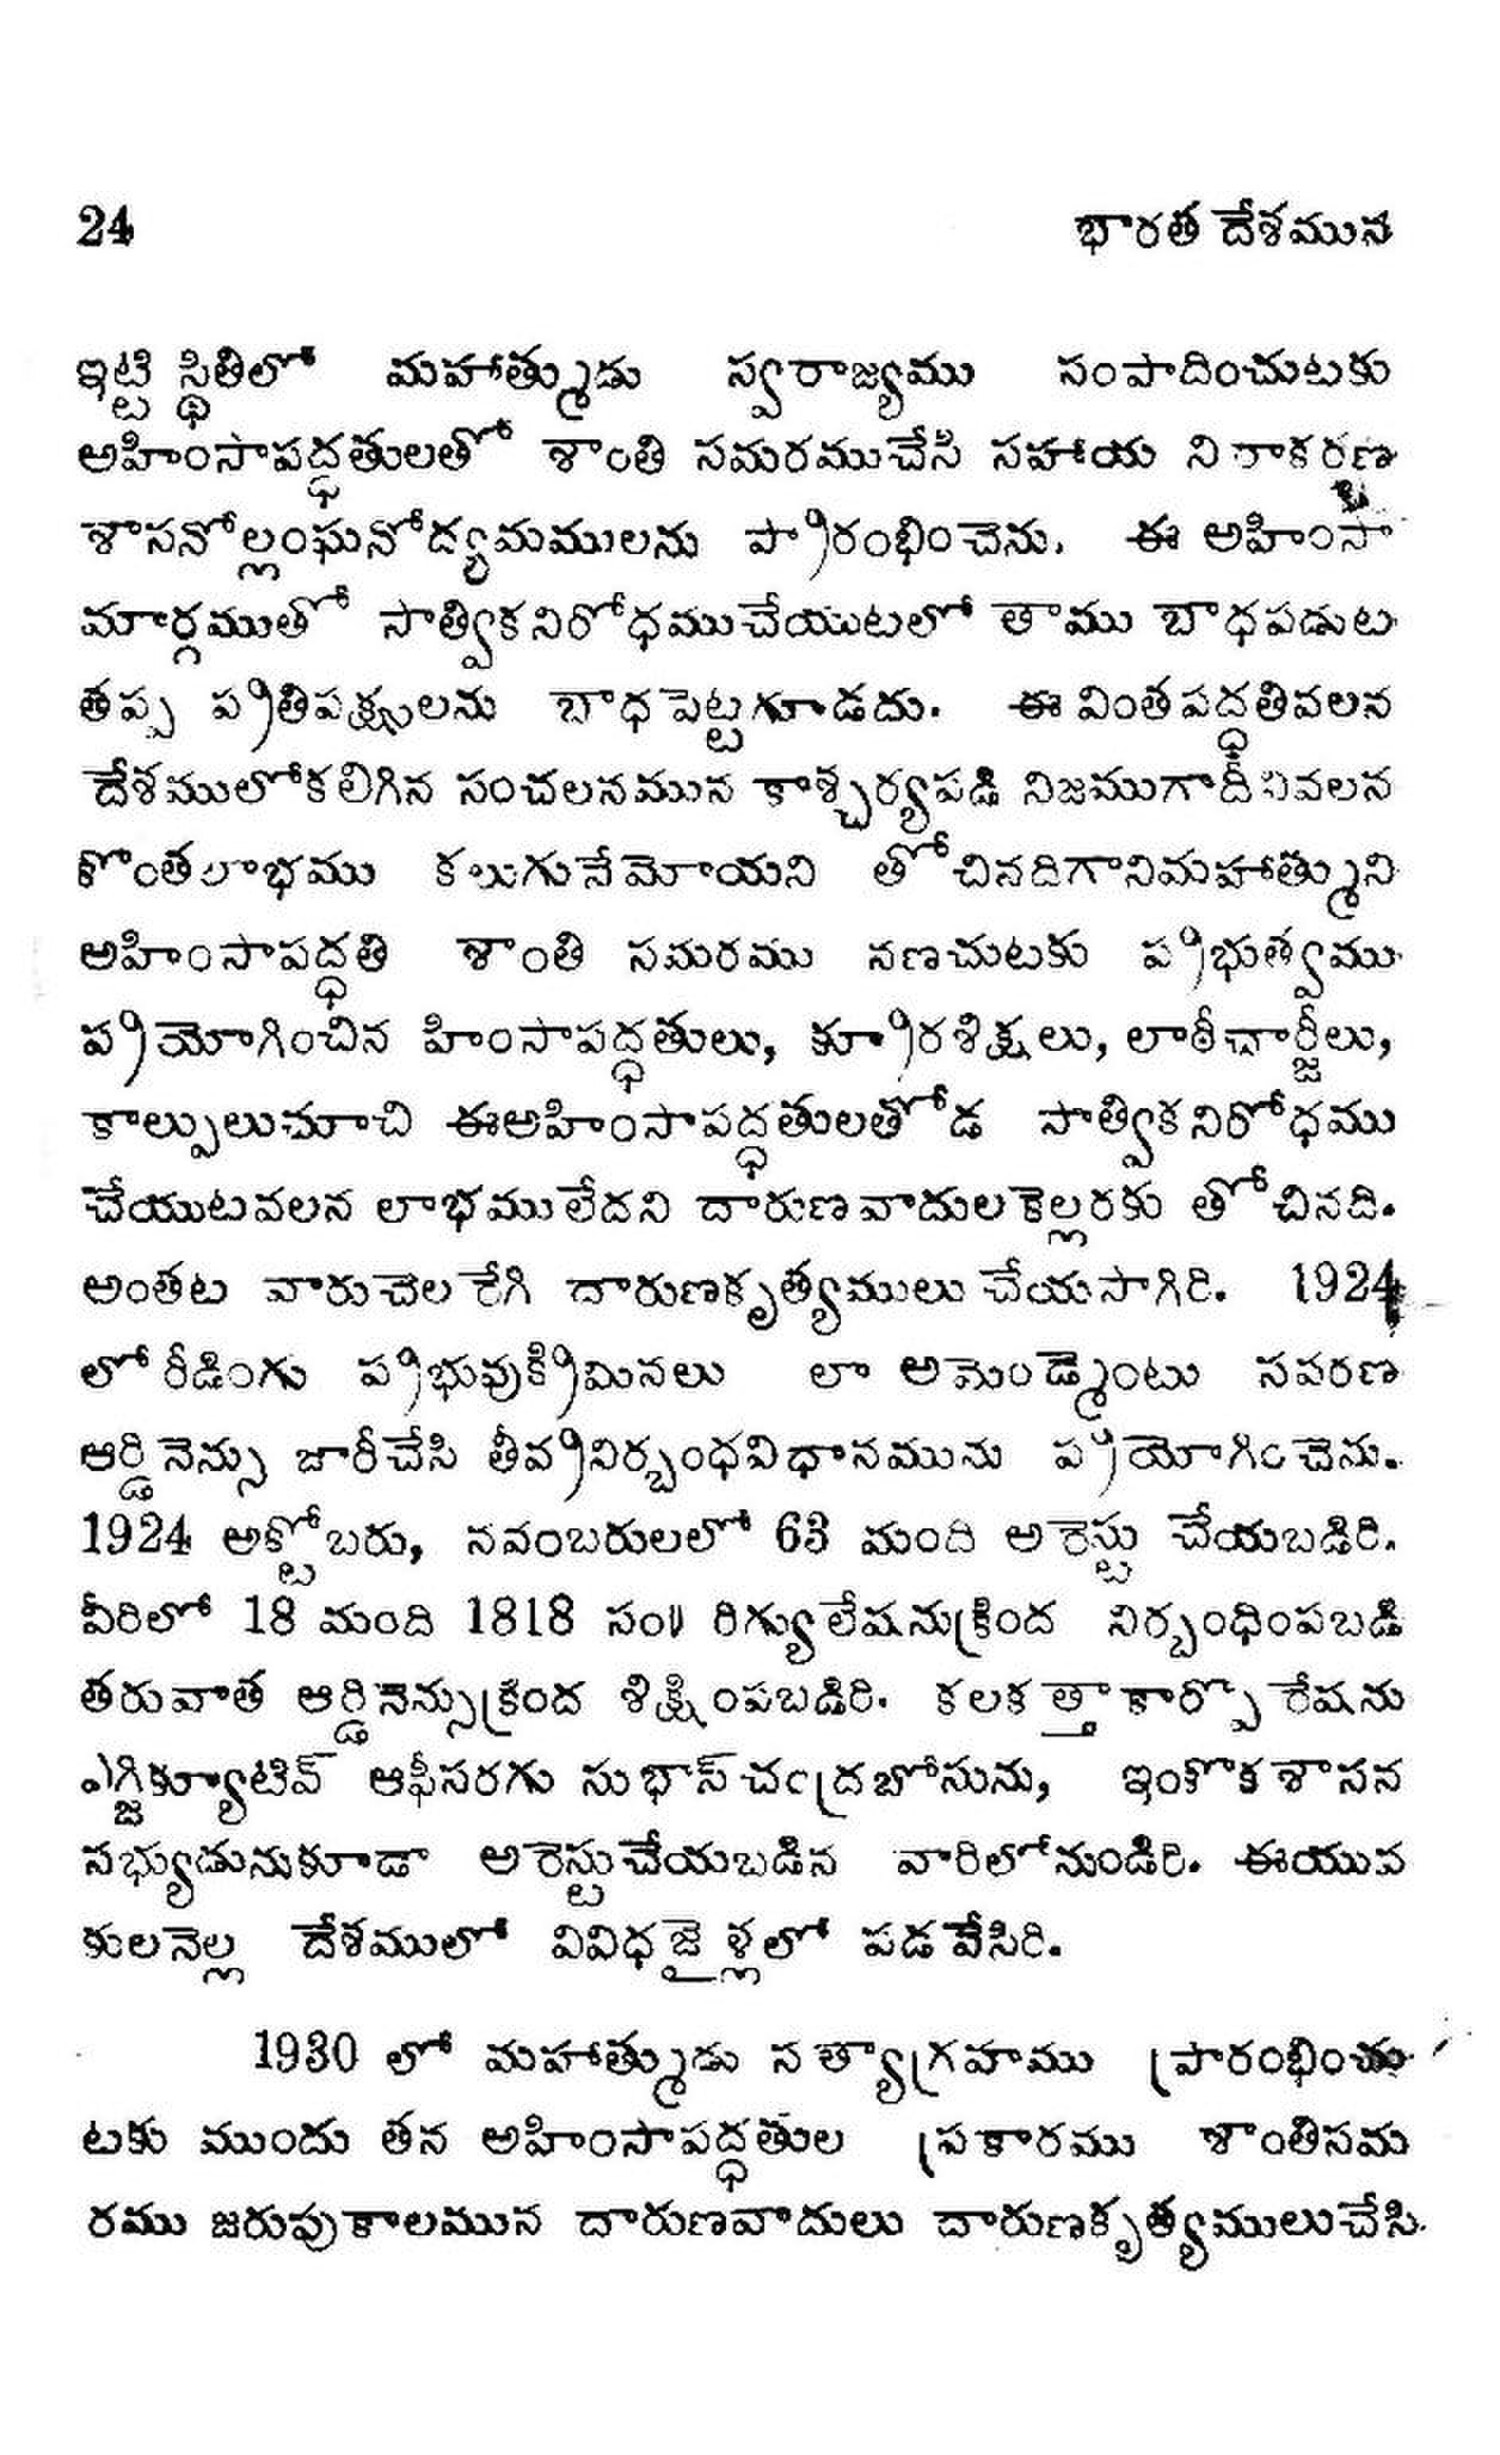ఇట్టి స్థితిలో మహాత్ముడు స్వరాజ్యము సంపాదించుటకు అహింసాపద్ధతులతో శాంతి సమరముచేసి సహాయ నిరాకరణ శాసనోల్లంఘనోద్యమములను ప్రారంభించెను. ఈ అహింసా మార్గముతో సాత్వికనిరోధముచేయుటలో తాము బాధపడుట తప్ప ప్రతిపక్షులను బాధపెట్టగూడదు. ఈ వింతపద్దతివలన దేశములోకలిగిన సంచలనమున కాశ్చర్యపడి నిజముగాదీని వలన కొంతలాభము కలుగునేమోయని తోచినదిగానిమహాత్ముని అహింసాపద్దతి శాంతి సమరము నణచుటకు ప్రభుత్వము ప్రయోగించిన హింసాపద్ధతులు, క్రూరశిక్షలు, లాఠీచార్జీలు, కాల్పులుచూచి ఈఅహింసాపద్ధతులతోడ సాత్వికనిరోధము చేయుటవలన లాభములేదని దారుణవాదులకెల్లరకు తోచినది. అంతట వారుచెల రేగి దారుణకృత్యములు చేయసాగిరి. 1924 లో రీడింగు ప్రభువుక్రిమినలు లా అమెండ్మెంటు సవరణ ఆర్డినెన్సు జారీచేసి తీవ్రనిర్బంధవిధానమును ప్రయోగించెను. 1924 అక్టోబరు, నవంబరులలో 63 మంది అరెస్టు చేయబడిరి. వీరిలో 18 మంది 1818 సం॥ రిగ్యులేషను క్రింద నిర్బంధింపబడి తరువాత ఆర్డినెన్సు క్రింద శిక్షింపబడిరి. కలకత్తా కార్పొరేషను ఎగ్జిక్యూటివ్ ఆఫీసరగు సుభాస్ చంద్రబోసును, ఇంకొకశాసన సభ్యుడునుకూడా అరెస్టుచేయబడిన వారిలోనుండిరి. ఈయువకులనెల్ల దేశములో వివిధజైళ్లలో పడవేసిరి.

1930 లో మహాత్ముడు సత్యాగ్రహము ప్రారంభించుటకు ముందు తన అహింసాపద్దతుల ప్రకారము శాంతిసమరము జరుపుకాలమున దారుణవాదులు దారుణకృత్యములుచేసి.